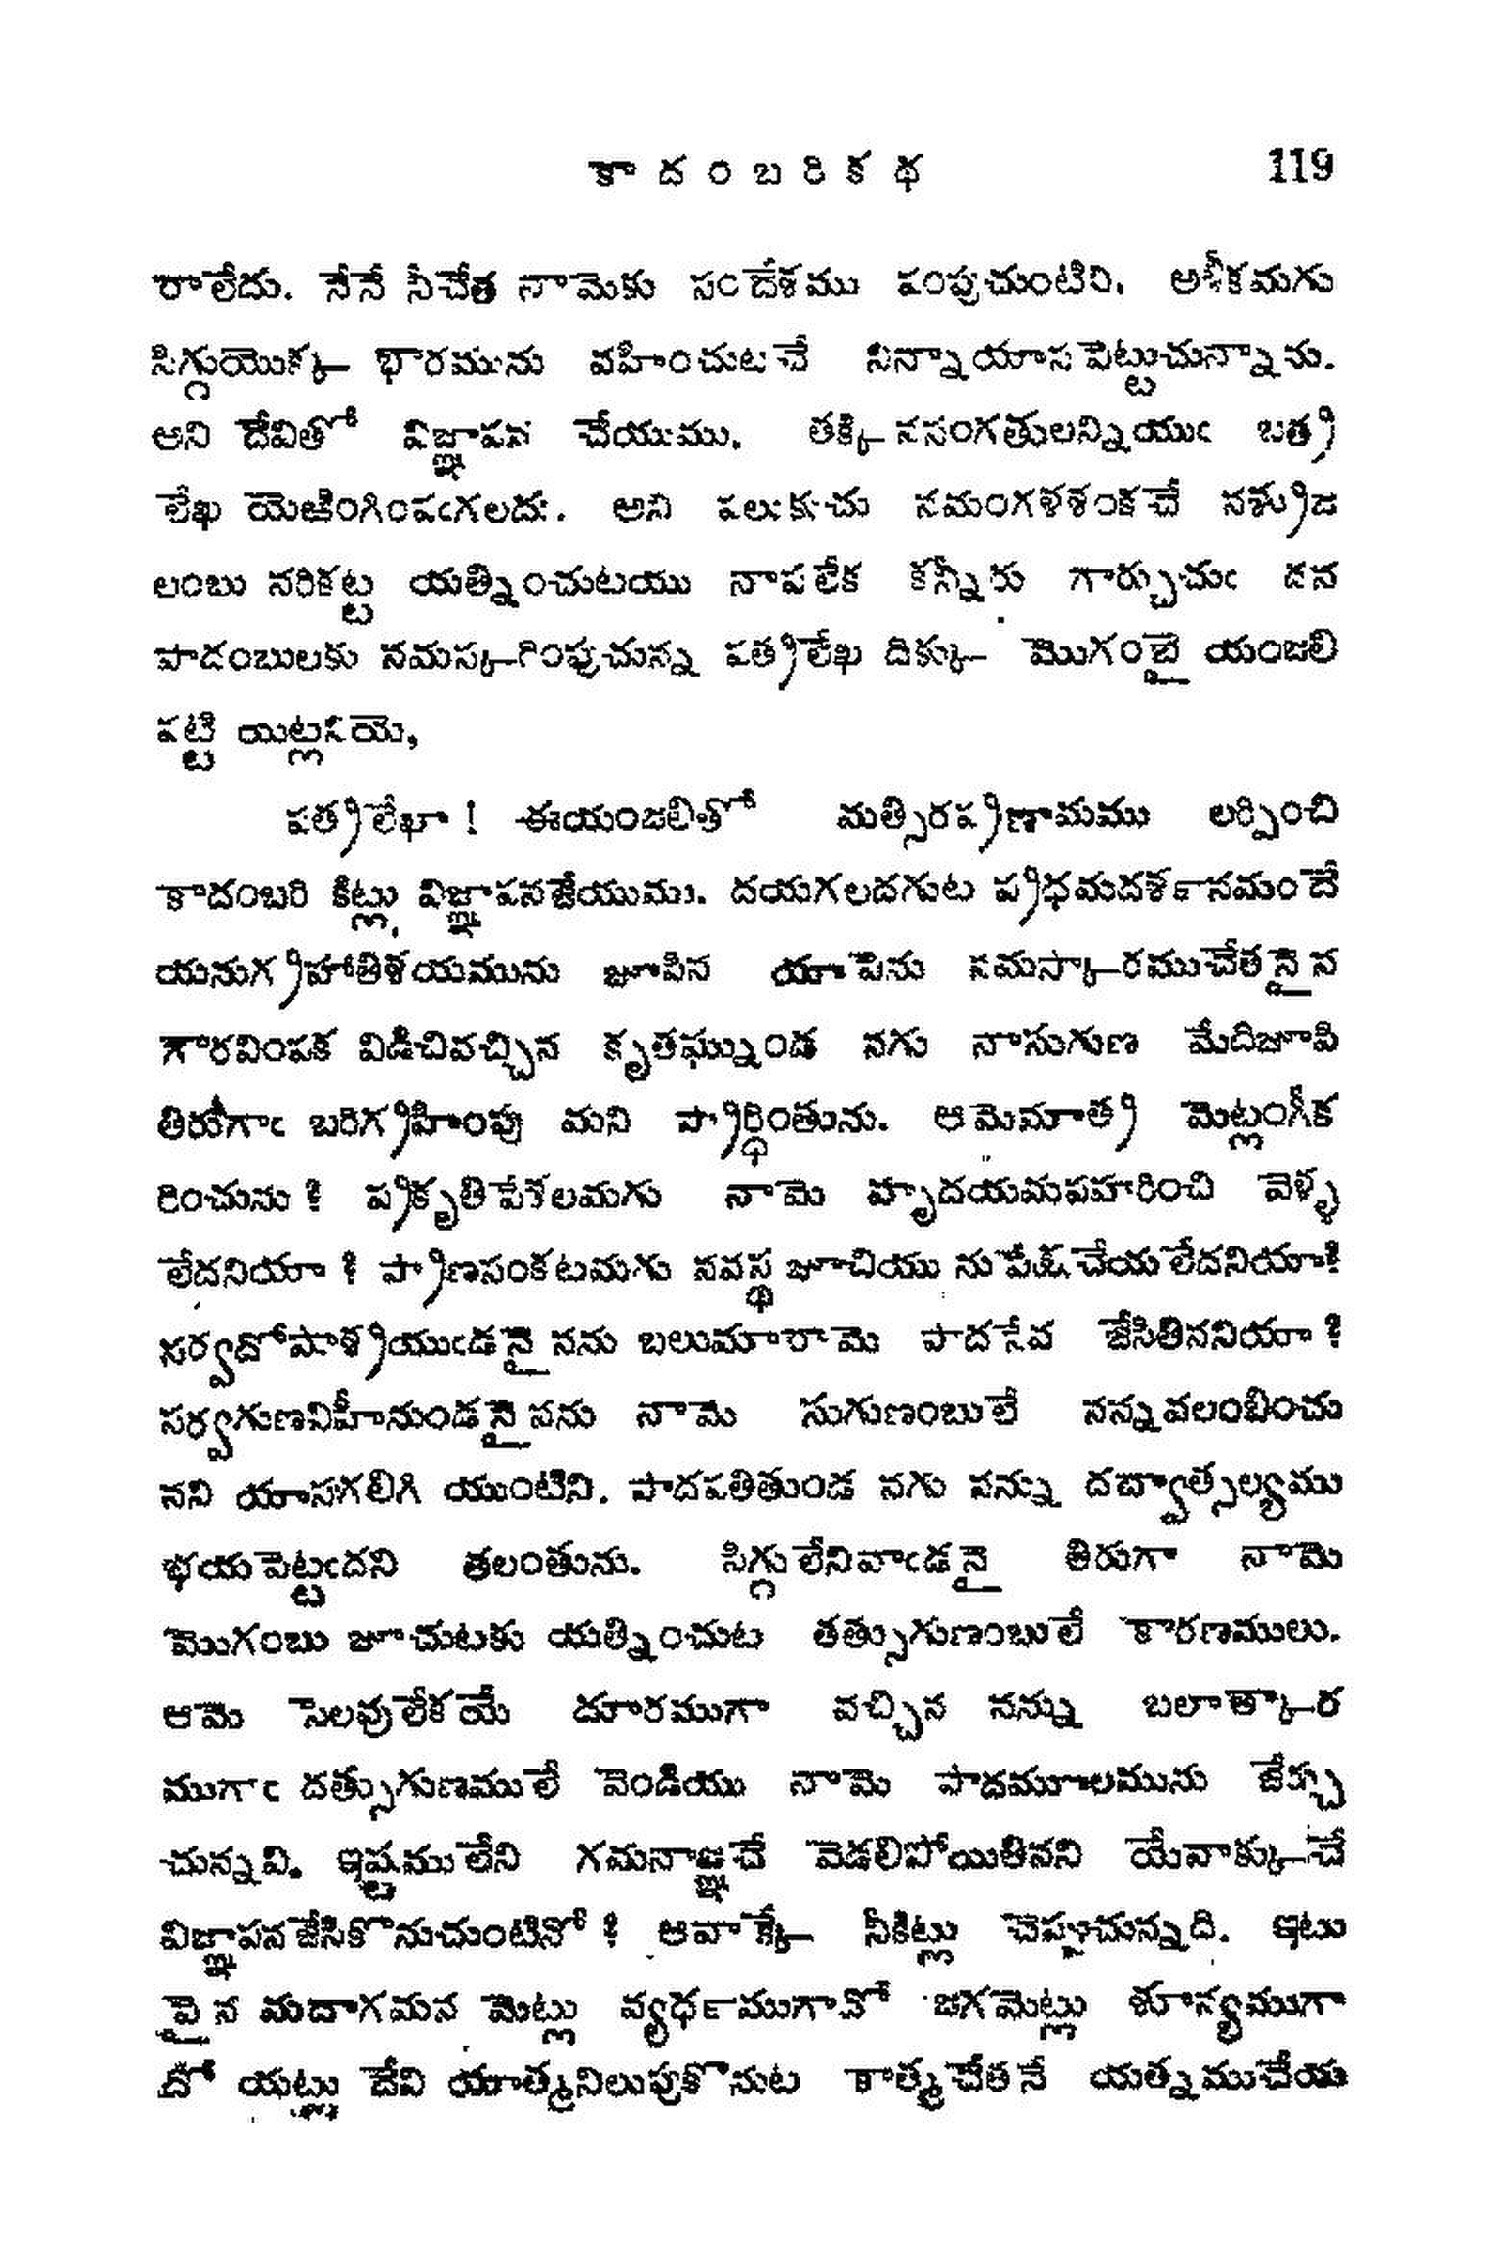రాలేదు. నేనే నీచేత నామెకు సందేశము పంపుచుంటిని. అళీకమగు సిగ్గుయొక్క భారమును వహించుటచే నిన్నాయాసపెట్టుచున్నాను. అని దేవితో విజ్ఞాపన చేయుము. తక్కినసంగతులన్నియుఁ బత్రలేఖ యెఱిగింపఁగలదు. అని పలుకుచు నమంగళశంకచే నశ్రుజలంబు నరికట్ట యత్నించుటయు నాపలేక కన్నీరు గార్చుచుఁ దన పాదంబులకు నమస్కరింపుచున్న పత్రలేఖ దిక్కు మొగంబై యంజలి పట్టి యిట్లనియె.

పత్రలేఖా! ఈయంజలితో మత్సిరప్రణామము లర్పించి కాదంబరి కిట్లు విజ్ఞాపనజేయుము. దయగలదగుట ప్రధమదశ౯నమందే యనుగ్రహాతిశయమును జూపిన యాపెను నమస్కారముచేతనైన గౌరవింపక విడిచివచ్చిన కృతఘ్నుండ నగు నాసుగుణ మేదిజూపి తిరుగాఁ బరిగ్రహింపు మని ప్రార్ధింతును. ఆమెమాత్ర మెట్లంగీకరించును? ప్రకృతిపేశలమగు నామె హృదయమపహరించి వెళ్ళ లేదనియా? ప్రాణసంకటమగు నవస్థ జూచియు నుపేక్షచేయలేదనియా? సర్వదోషాశ్రయుఁడనైనను బలుమారామె పాదసేవ జేసితిననియా? సర్వగుణహీనుండనైనను నామె సుగుణంబులే నన్నవలంబించు నని యాసగలిగి యుంటిని. పాదపతితుండ నగు నన్ను దద్వాత్సల్యము భయపెట్టఁదని తలంతును. సిగ్గులేనివాఁడనై తిరుగా నామె మొగంబు జూచుటకు యత్నించుట తత్సుగుణంబులే కారణములు. ఆమె సెలవులేకయే దూరముగా వచ్చిన నన్ను బలాత్కారముగాఁ దత్సుగుణములే వెండియు నామె పాదమూలమును జేర్చు చున్నవి. ఇష్టములేని గమనాజ్ఞాచే వెడలిపోయితినని యేవాక్కుచే విజ్ఞాపనజేసికొనుచుంటినో? ఆవాక్కే నీకిట్లు చెప్పుచున్నది. ఇటుపైన మదాగమన మెట్లు వ్యధ౯ముగాదో జగమెట్లు శూన్యముగాదో యట్లు దేవి యాత్మనిలుపుకొనుట కాత్మచేతనే యత్నముచేయ